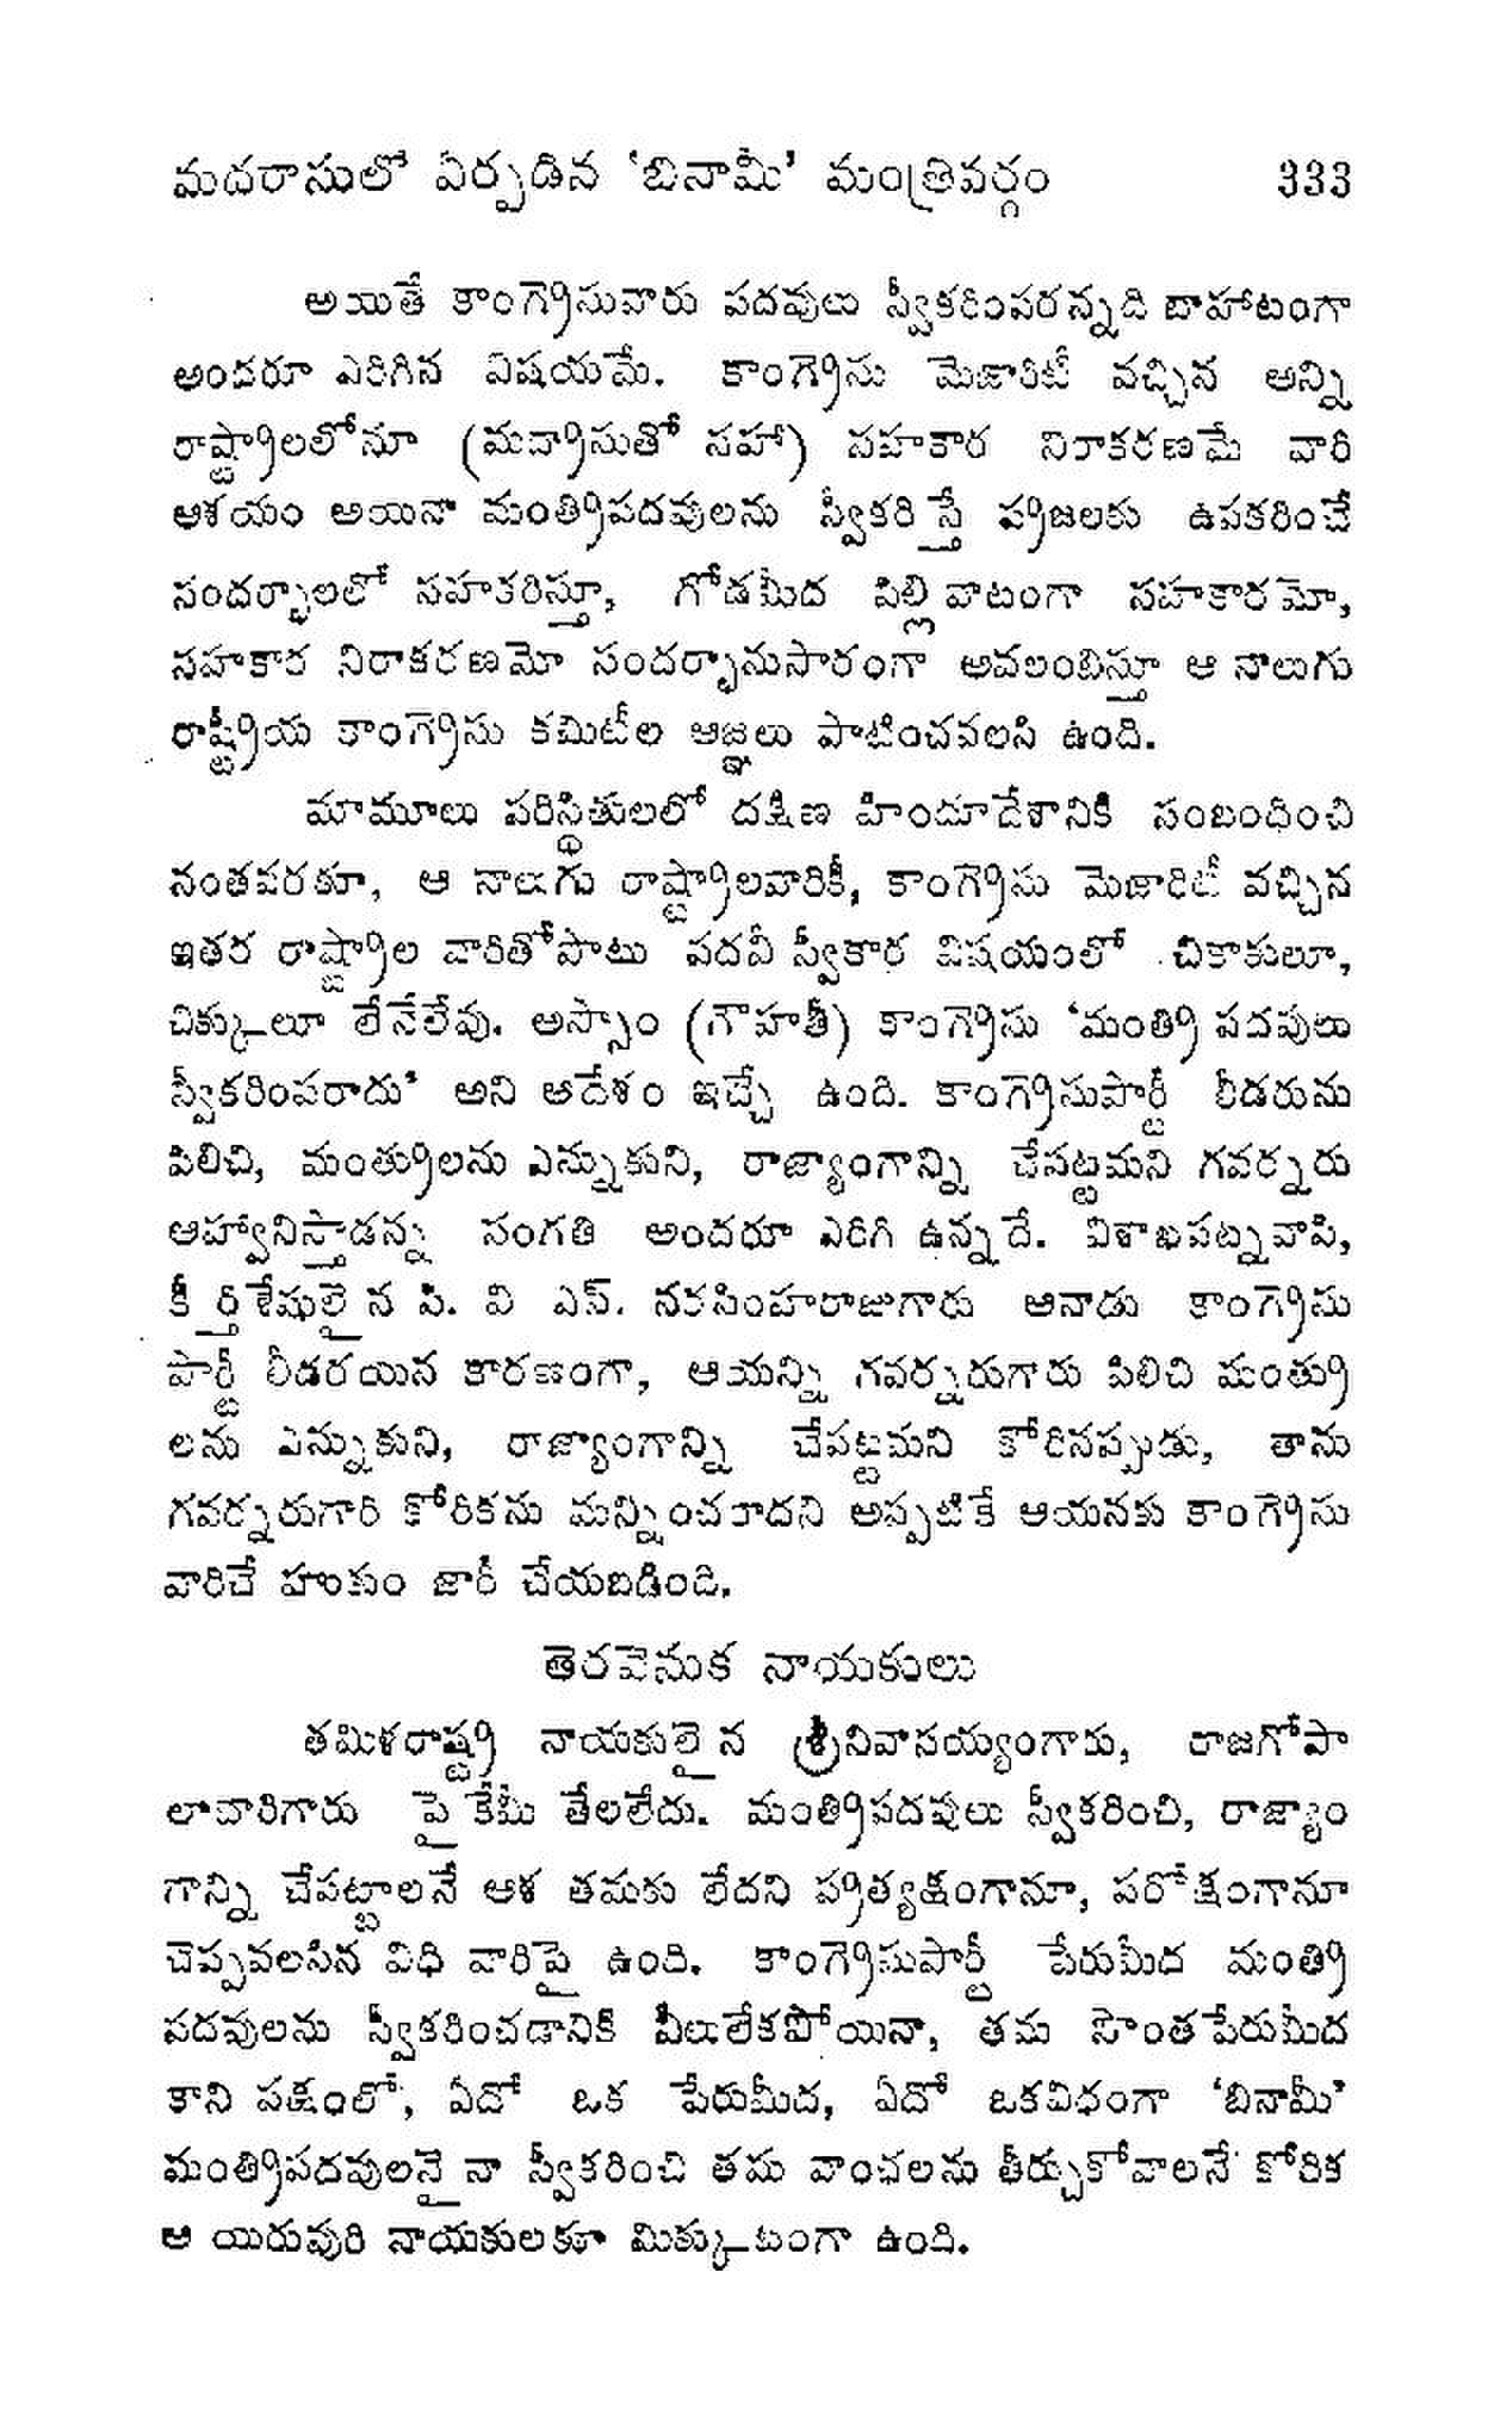అయితే కాంగ్రెసువారు పదవులు స్వీకరింపరన్నది బాహాటంగా అందరూ ఎరిగిన విషయమే. కాంగ్రెసు మెజారిటీ వచ్చిన అన్ని రాష్ట్రాలలోనూ (మద్రాసుతో సహా) సహకార నిరాకరణమే వారి ఆశయం అయినా మంత్రిపదవులను స్వీకరిస్తే ప్రజలకు ఉపకరించే సందర్భాలలో సహకరిస్తూ, గోడమీద పిల్లి వాటంగా సహకారమో, సహకార నిరాకరణమో సందర్భానుసారంగా అవలంబిస్తూ ఆ నాలుగు రాష్ట్రీయ కాంగ్రెసు కమిటీల ఆజ్ఞలు పాటించవలసి ఉంది.

మామూలు పరిస్థితులలో దక్షిణ హిందూదేశానికి సంబందించినంతవరకూ, ఆ నాలుగు రాష్ట్రాలవారికీ, కాంగ్రెసు మెజారిటీ వచ్చిన ఇతర రాష్ట్రాల వారితోపాటు పదవీ స్వీకార విషయంలో చికాకులూ, చిక్కులూ లేనేలేవు. అస్సాం (గౌహతీ) కాంగ్రెసు "మంత్రి పదవులు స్వీకరింపరాదు" అని ఆదేశం ఇచ్చే ఉంది. కాంగ్రెసుపార్టీ లీడరును పిలిచి, మంత్రులను ఎన్నుకుని, రాజ్యాంగాన్ని చేపట్టమని గవర్నరు ఆహ్వానిస్తాడన్న సంగతి అందరూ ఎరిగి ఉన్నదే. విశాఖపట్నవాసి, కీర్తిశేషులైన సి.వి.ఎస్. నరసింహరాజుగారు ఆనాడు కాంగ్రెసు పార్టీ లీడరయిన కారణంగా, ఆయన్ని గవర్నరుగారు పిలిచి మంత్రులను ఎన్నుకుని, రాజ్యాంగాన్ని చేపట్టమని కోరినప్పుడు, తాను గవర్నరుగారి కోరికను మన్నించరాదని అప్పటికే ఆయనకు కాంగ్రెసు వారిచే హుకుం జారీ చేయబడింది. 

తమిళరాష్ట్ర నాయకులైన శ్రీనివాసయ్యంగారు, రాజగోపాలాచారిగారు పైకేమీ తేలలేదు. మంత్రిపదవులు స్వీకరించి, రాజ్యాంగాన్ని చేపట్టాలనే ఆశ తమకు లేదని ప్రత్యక్షంగానూ, పరోక్షంగానూ చెప్పవలసిన విధి వారిపై ఉంది. కాంగ్రెసుపార్టీ పేరుమీద మంత్రిపదవులను స్వీకరించడానికి వీలులేకపోయినా, తమ సొంతపేరుమీద కాని పక్షంలో, ఏదో ఒక పేరుమీద, ఏదో ఒకవిధంగా "బినామీ" మంత్రిపదవులనైనా స్వీకరించి తమ వాంఛలను తీర్చుకోవాలనే కోరిక ఆ యిరువురి నాయకులకూ మిక్కుటంగా ఉంది.